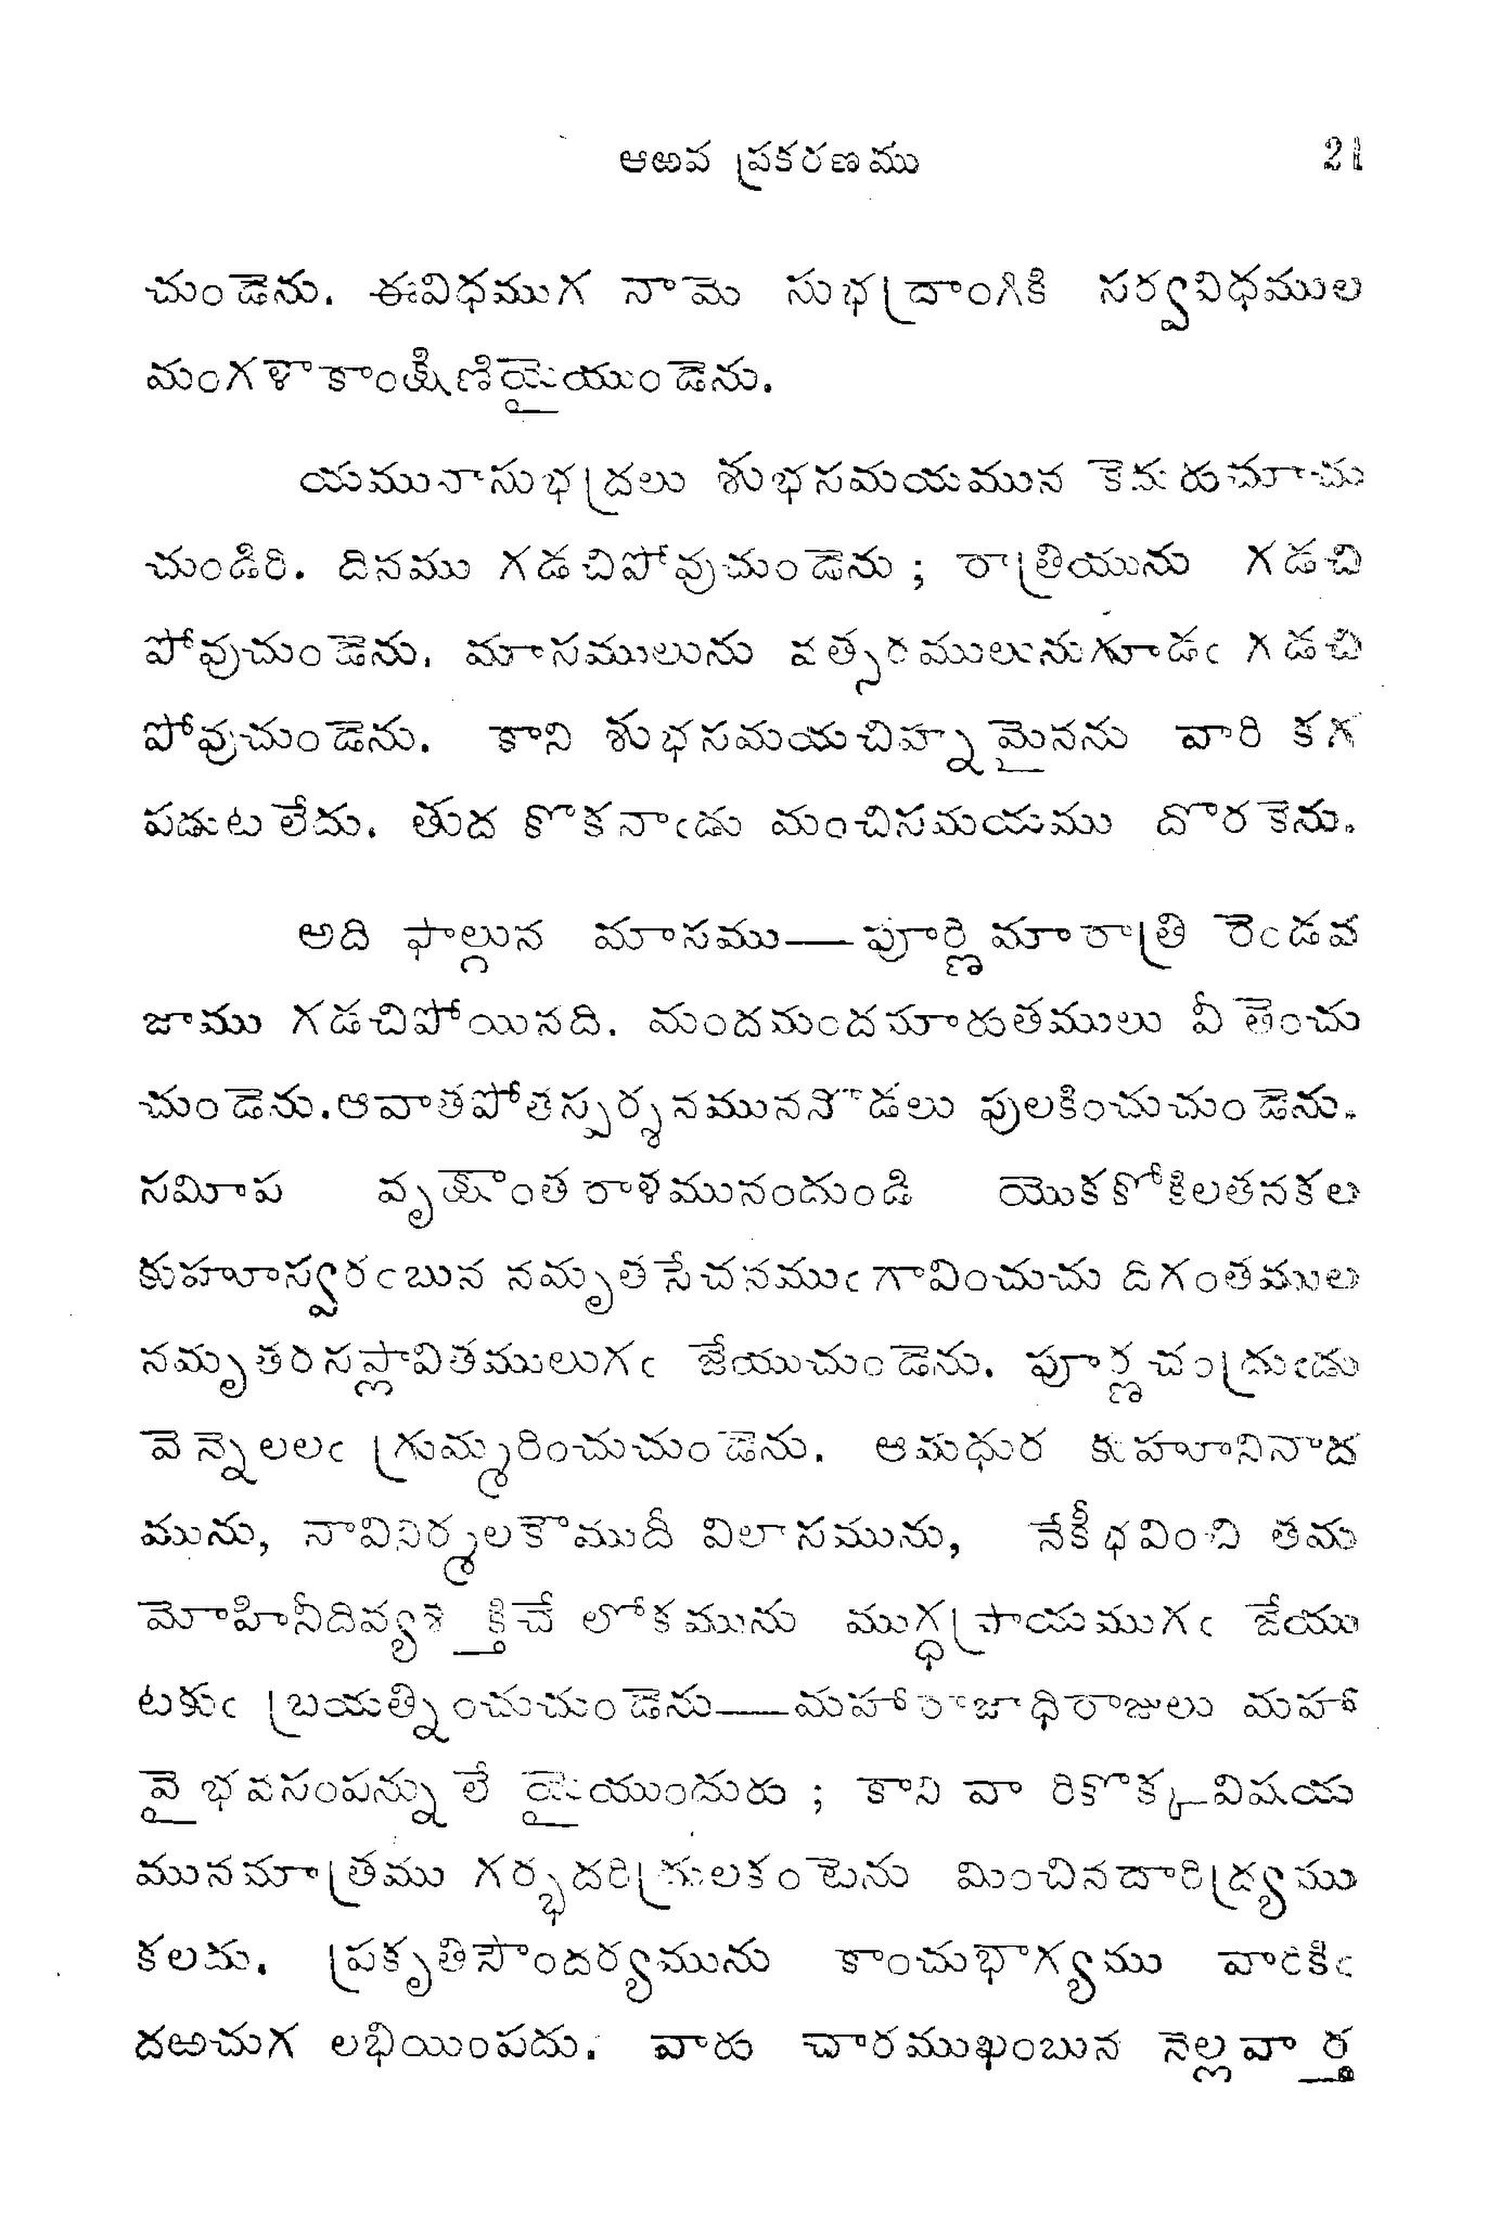చుండెను. ఈవిధముగ నామె సుభద్రాంగికి సర్వవిధముల మంగళా కాంక్షిణియైయుండెను.

యమునా సుభద్రలు శుభసమయమున కెదురుచూచు చుండిరి. దినము గడచిపోవుచుండెను; రాత్రియును గడచి పోవుచుండెను. మాసములును వత్సరములు ను గూడఁ గడచి పోవుచుండెను. కాని శుభసమయచిహ్నమైనను వారి కగపడుట లేదు. తుద కొకనాఁడు మంచిసమయము దొరకెను.

అది ఫాల్గున మాసము- పూర్ణిమా రాత్రి రెండవజాము గడచిపోయినది. మందమంద మారుతములు వీ తెంచుచుండెను. ఆ వాతపోతస్పర్శనమున నోడలు పులకించుచుండెను. సమీప వ్రుక్షాంత రాళమునందుండి యొకకోకిలతనకలకుహూస్వరంబున నమృత సేచనముఁ గావించుచు దిగంతముల
నమృతం సప్లావితములుగఁ జేయుచుండెను, పూర్ణ చంద్రుడు వెన్నెలలఁ గ్రుమ్మరించుచుండెను. ఆ మధుర కుహూనినాదమును, నావి నిర్మల కౌముదీ విలాసమును, నేకీభవించి తమ మోహినీదిశక్తిచే లోకమును ముగ్ధప్రాయముగఁ జేయుటకుఁ బ్రయత్నించుచుండెను—— మహా రాజాధి రాజులు మహా
వైభవసంపన్నులే యై యుందురు; కాని వారికొక్క విషయమున మాత్రము గర్భదరిద్రులకంటెను మించిన దారిద్ర్యము కలదు. ప్రకృతి సౌందర్యమును కాంచు భాగ్యము వారికిఁ దఱచుగ లభియింపదు. వారు చార ముఖంబున నెల్ల వార్త